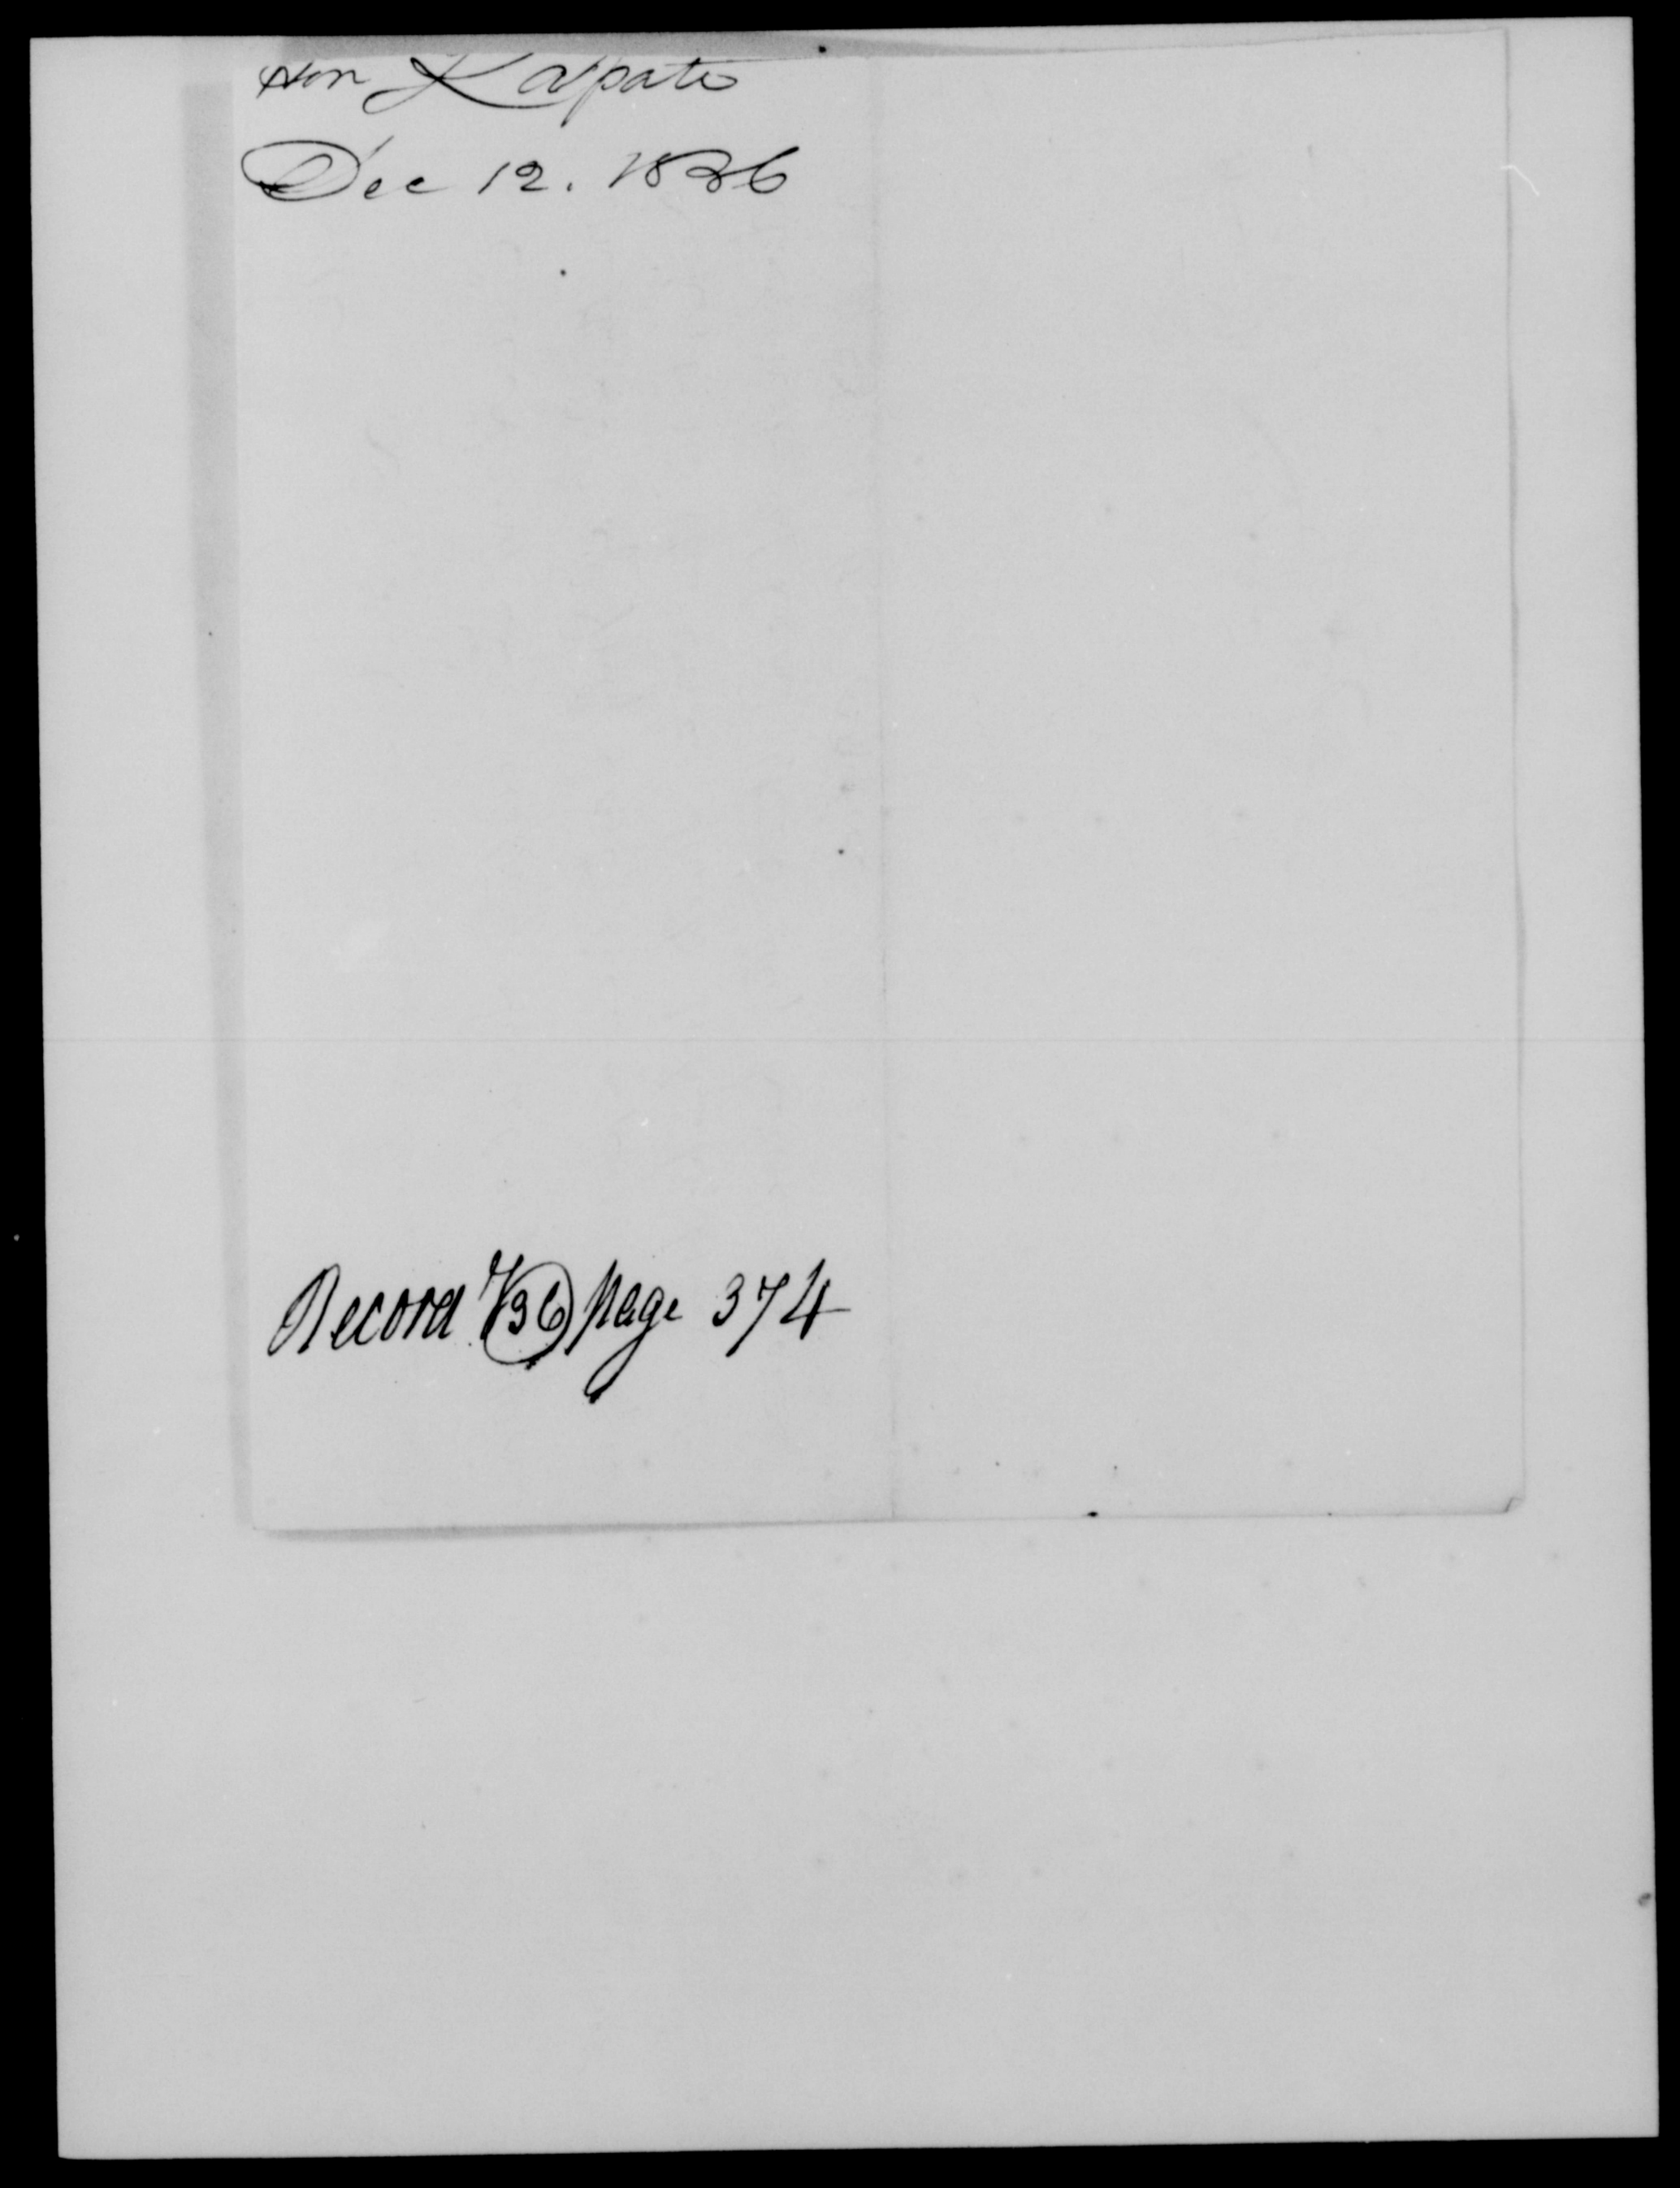Hon. Laporte
Dec. 12, 1836

Record __36 Page374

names: J Laporte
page: 28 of 29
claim: rejected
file: R. 9570, for Jabez Sill, Connecticut